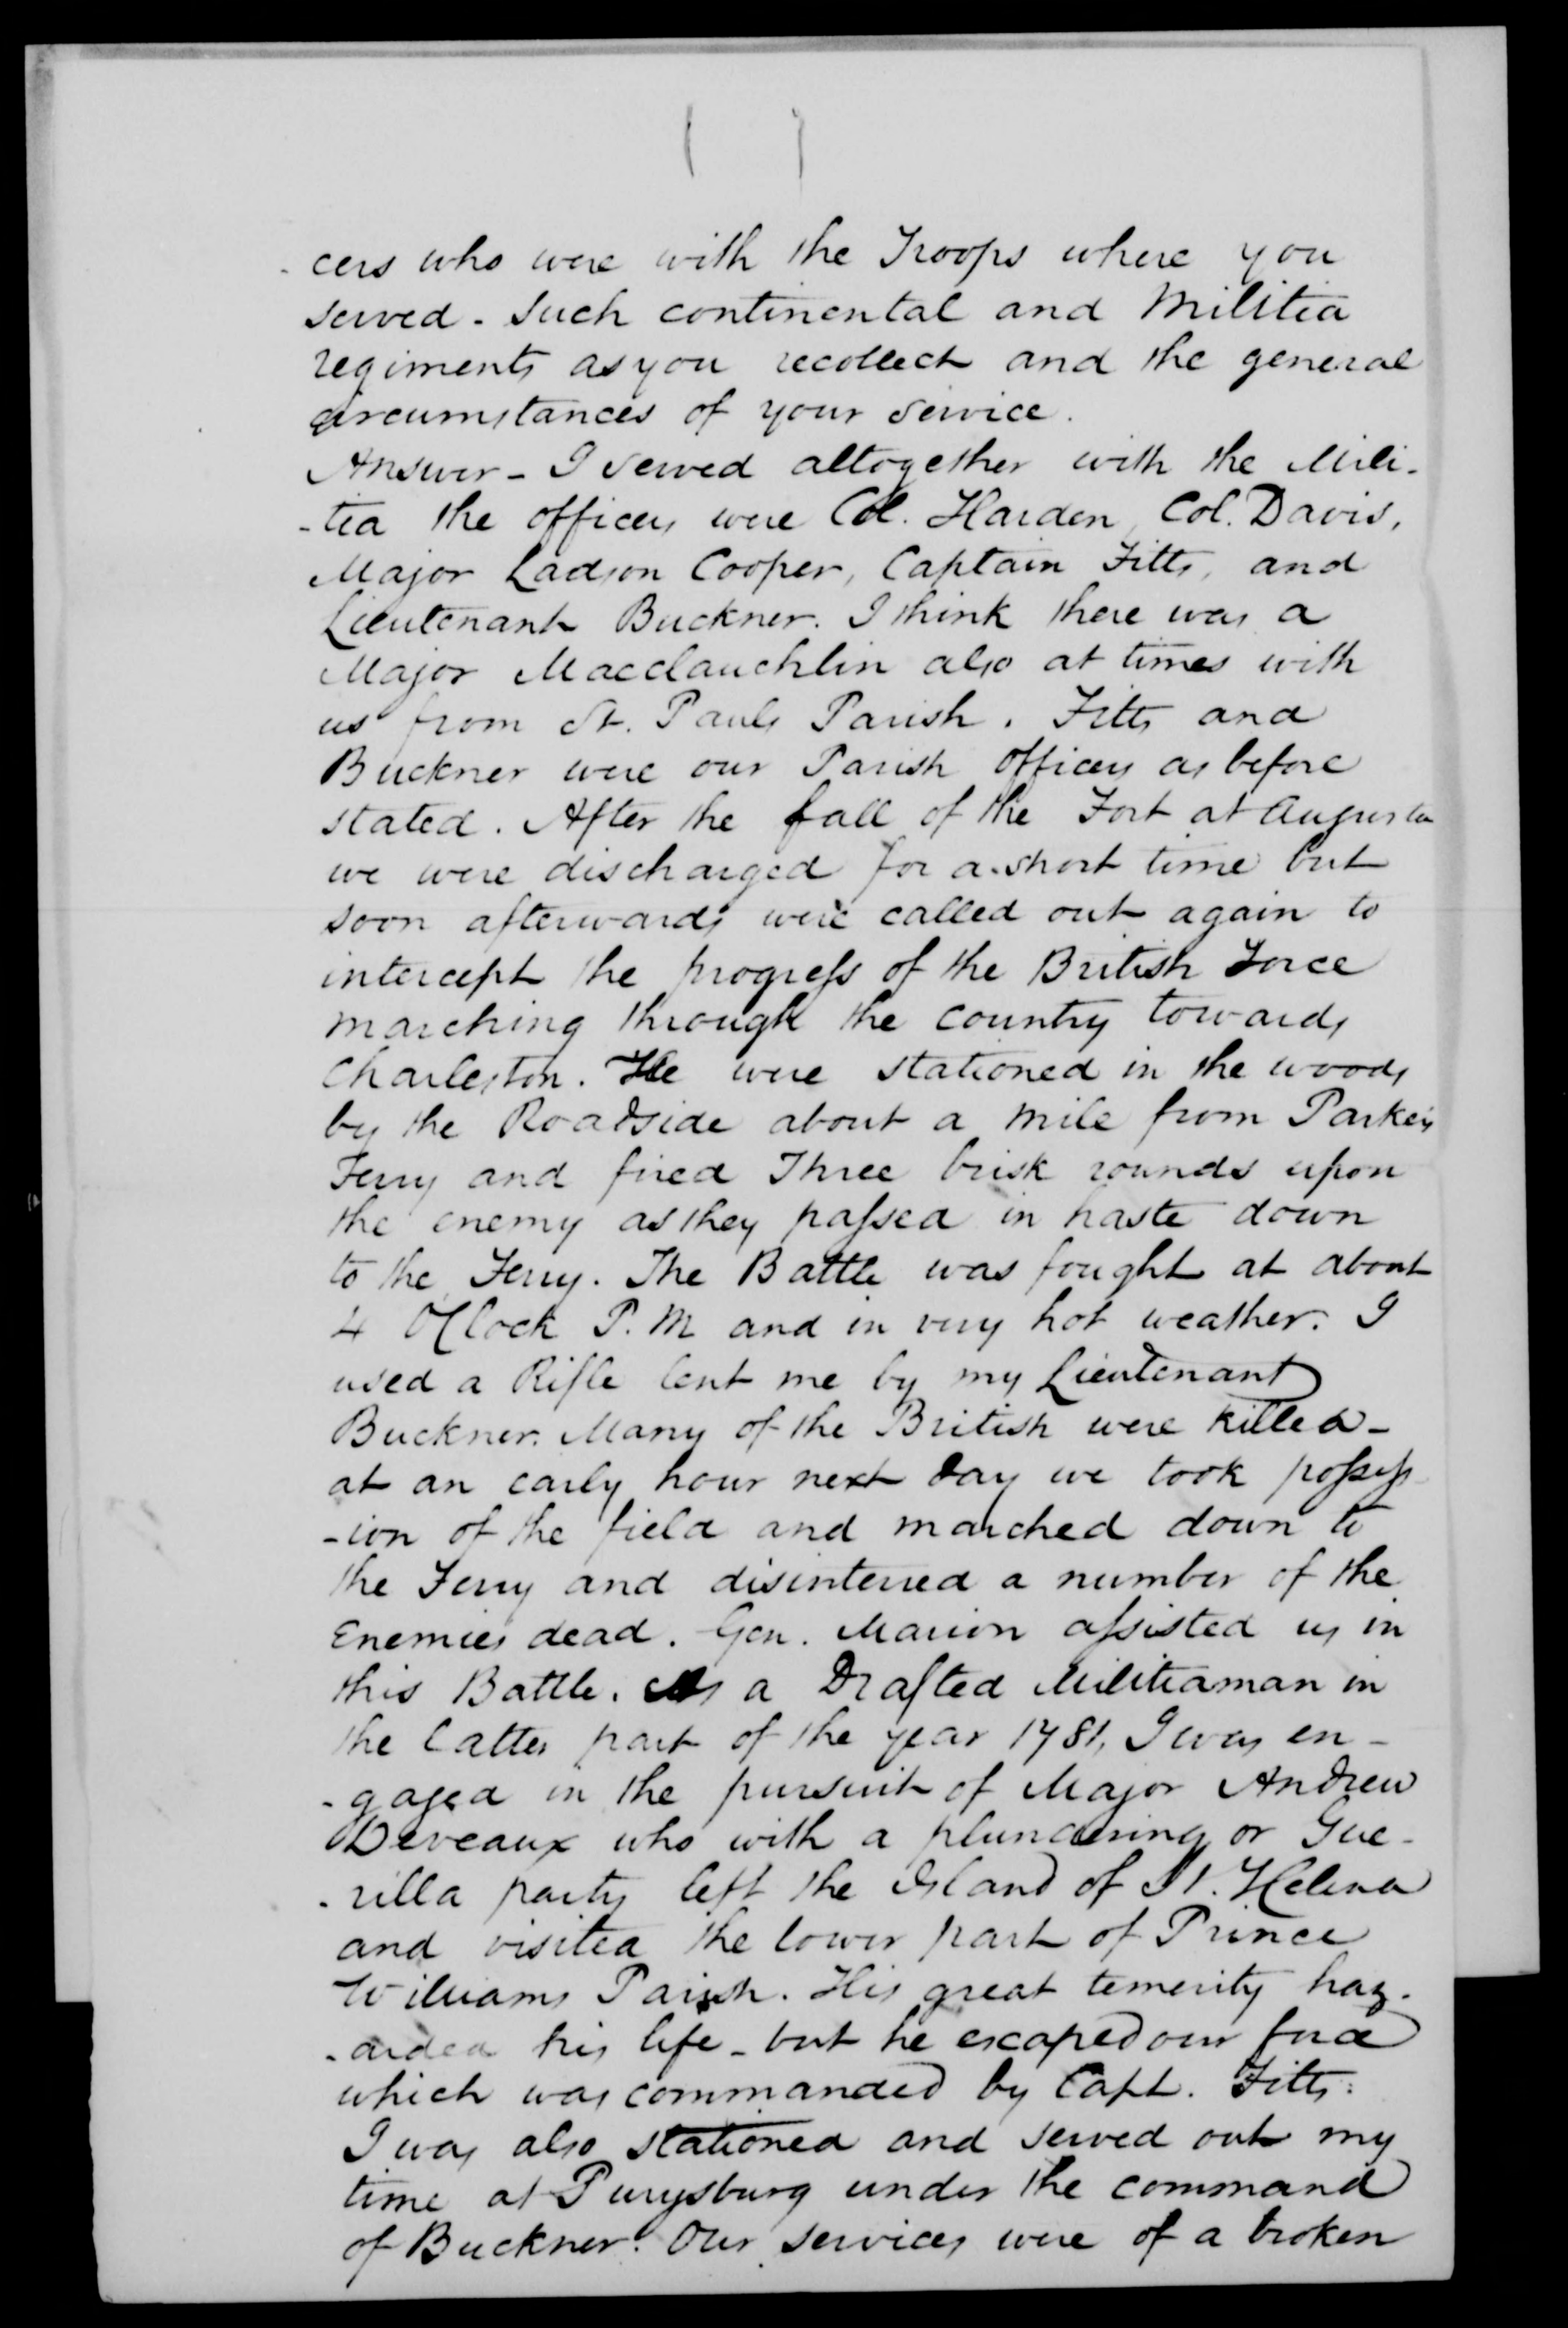-cers who were with the Troops where you served. Such continental and Militia regiments, as you recollect and the general circumstances of your service.
Answer: I served altogether with the Militia. The officers were Col. Harden, Col. Davis, Major Ladson Cooper, Captain Fitts, and Lieutenant Buckner. I think there was a Major Macclaughlin also at times with us from St. Pauls Parish. Fitts and Buckner were our Parish Officers as before stated. After the fall of the Fort at Augusta we were discharged for a short time but soon afterwards were called out again to intercept the progress of the British force marching through the country toward Charleston. We were stationed in the woods by the Roadside about a mile from Parker's Ferry and fired three brisk rounds upon the enemy as they passed in haste down to the Ferry. The Battle was fought at about 4 O'Clock P.M. and in very hot weather. I used a Rifle lent me by my Lieutenant Buckner. Many of the British were killed-at an early hour next day we took possession of the field and marched down to the Ferry and disinterred a number of the Enemies dead. Gen. Marion assisted us in this Battle. As a Drafted militiaman in the latter part of the year 1781, I was engaged in the pursuit of Major Andrew Deveaux who with a plundering or Guerrilla party left the Island of St. Helena and visited the lower part of the Prince Williams Parish. His great temerity hazarded his life, but he escaped our force which was commanded by Capt. Fitts. I was also stationed and served out my time at Purrysburg under the command of Buckner. Our service were of a broken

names: [BLANK] Buckner; [BLANK] Mcclauchlin; [BLANK] Buckner; [BLANK] Buckner; Andrew Deveaux; [BLANK] Fitts; [BLANK] Fitts; [BLANK] Fitts; [BLANK] Marion; [BLANK] Harden; Ladson Cooper; [BLANK] Buckner; [BLANK] Davis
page: 7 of 21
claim: rejected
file: R. 9875, for William Smith, South Carolina